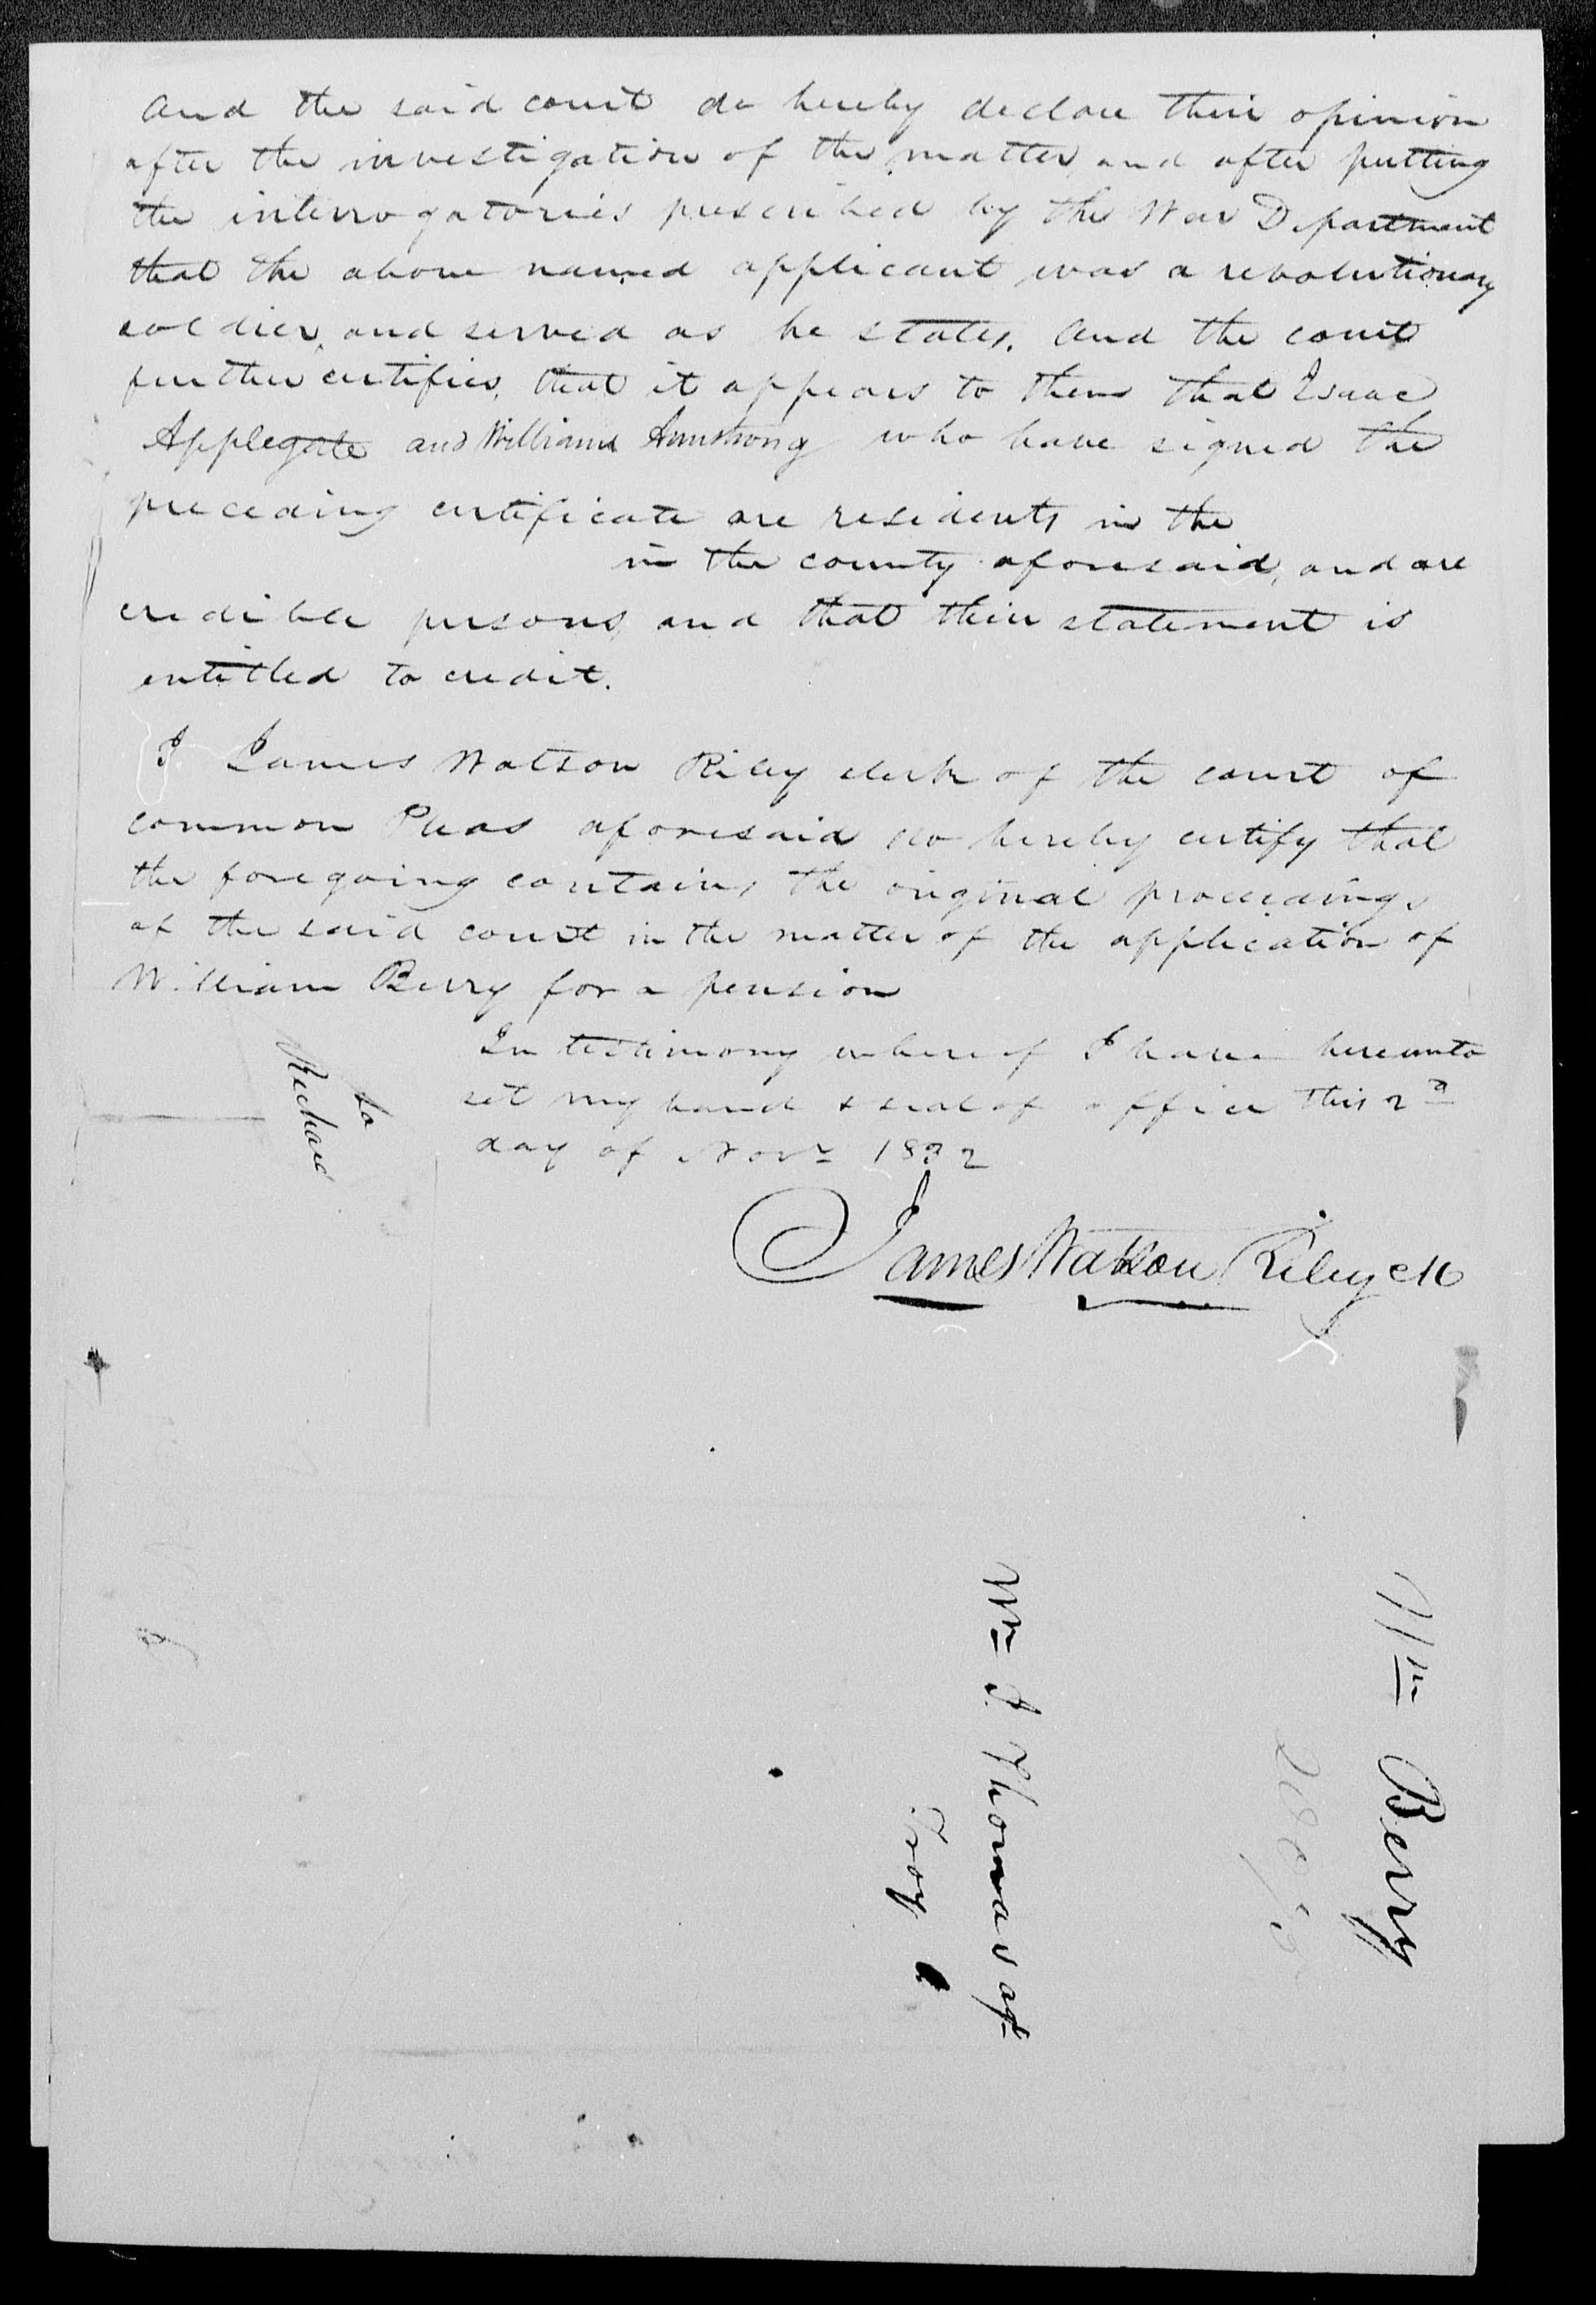And the said court do hereby declare their opinion after the investigation of the matter and after putting the interrogatories prescribed by the War Department that the above named applicant was a revolutionary soldier and served as he states. And the court further certifies that it appears to them that Isaac Applegate and William Armstrong who have signed the preceding certificate are residents in the county aforesaid and are credible persons and that their statement is entitled to credit. 
I James Watson Riley clerk of the court of Common Pleas aforesaid do hereby certify that the foregoing contains the original proceedings of the said court in the matter of the application of William Berry for a pension
In testimony whereof I have hereunto set my hand & seal of office this 2nd day of Nov 1832
James Watson Riley clk [Clerk]

[written sideways] Wm Berry 20075 Wm J. Thomas agt. Troy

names: James Watson Riley, James Watson Riley, Wm Berry, William Armstrong, Isaac Applegate, William Berry, Wm J Thomas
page: 7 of 21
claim: survivor's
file: S. 2,371, William Berry, Va.